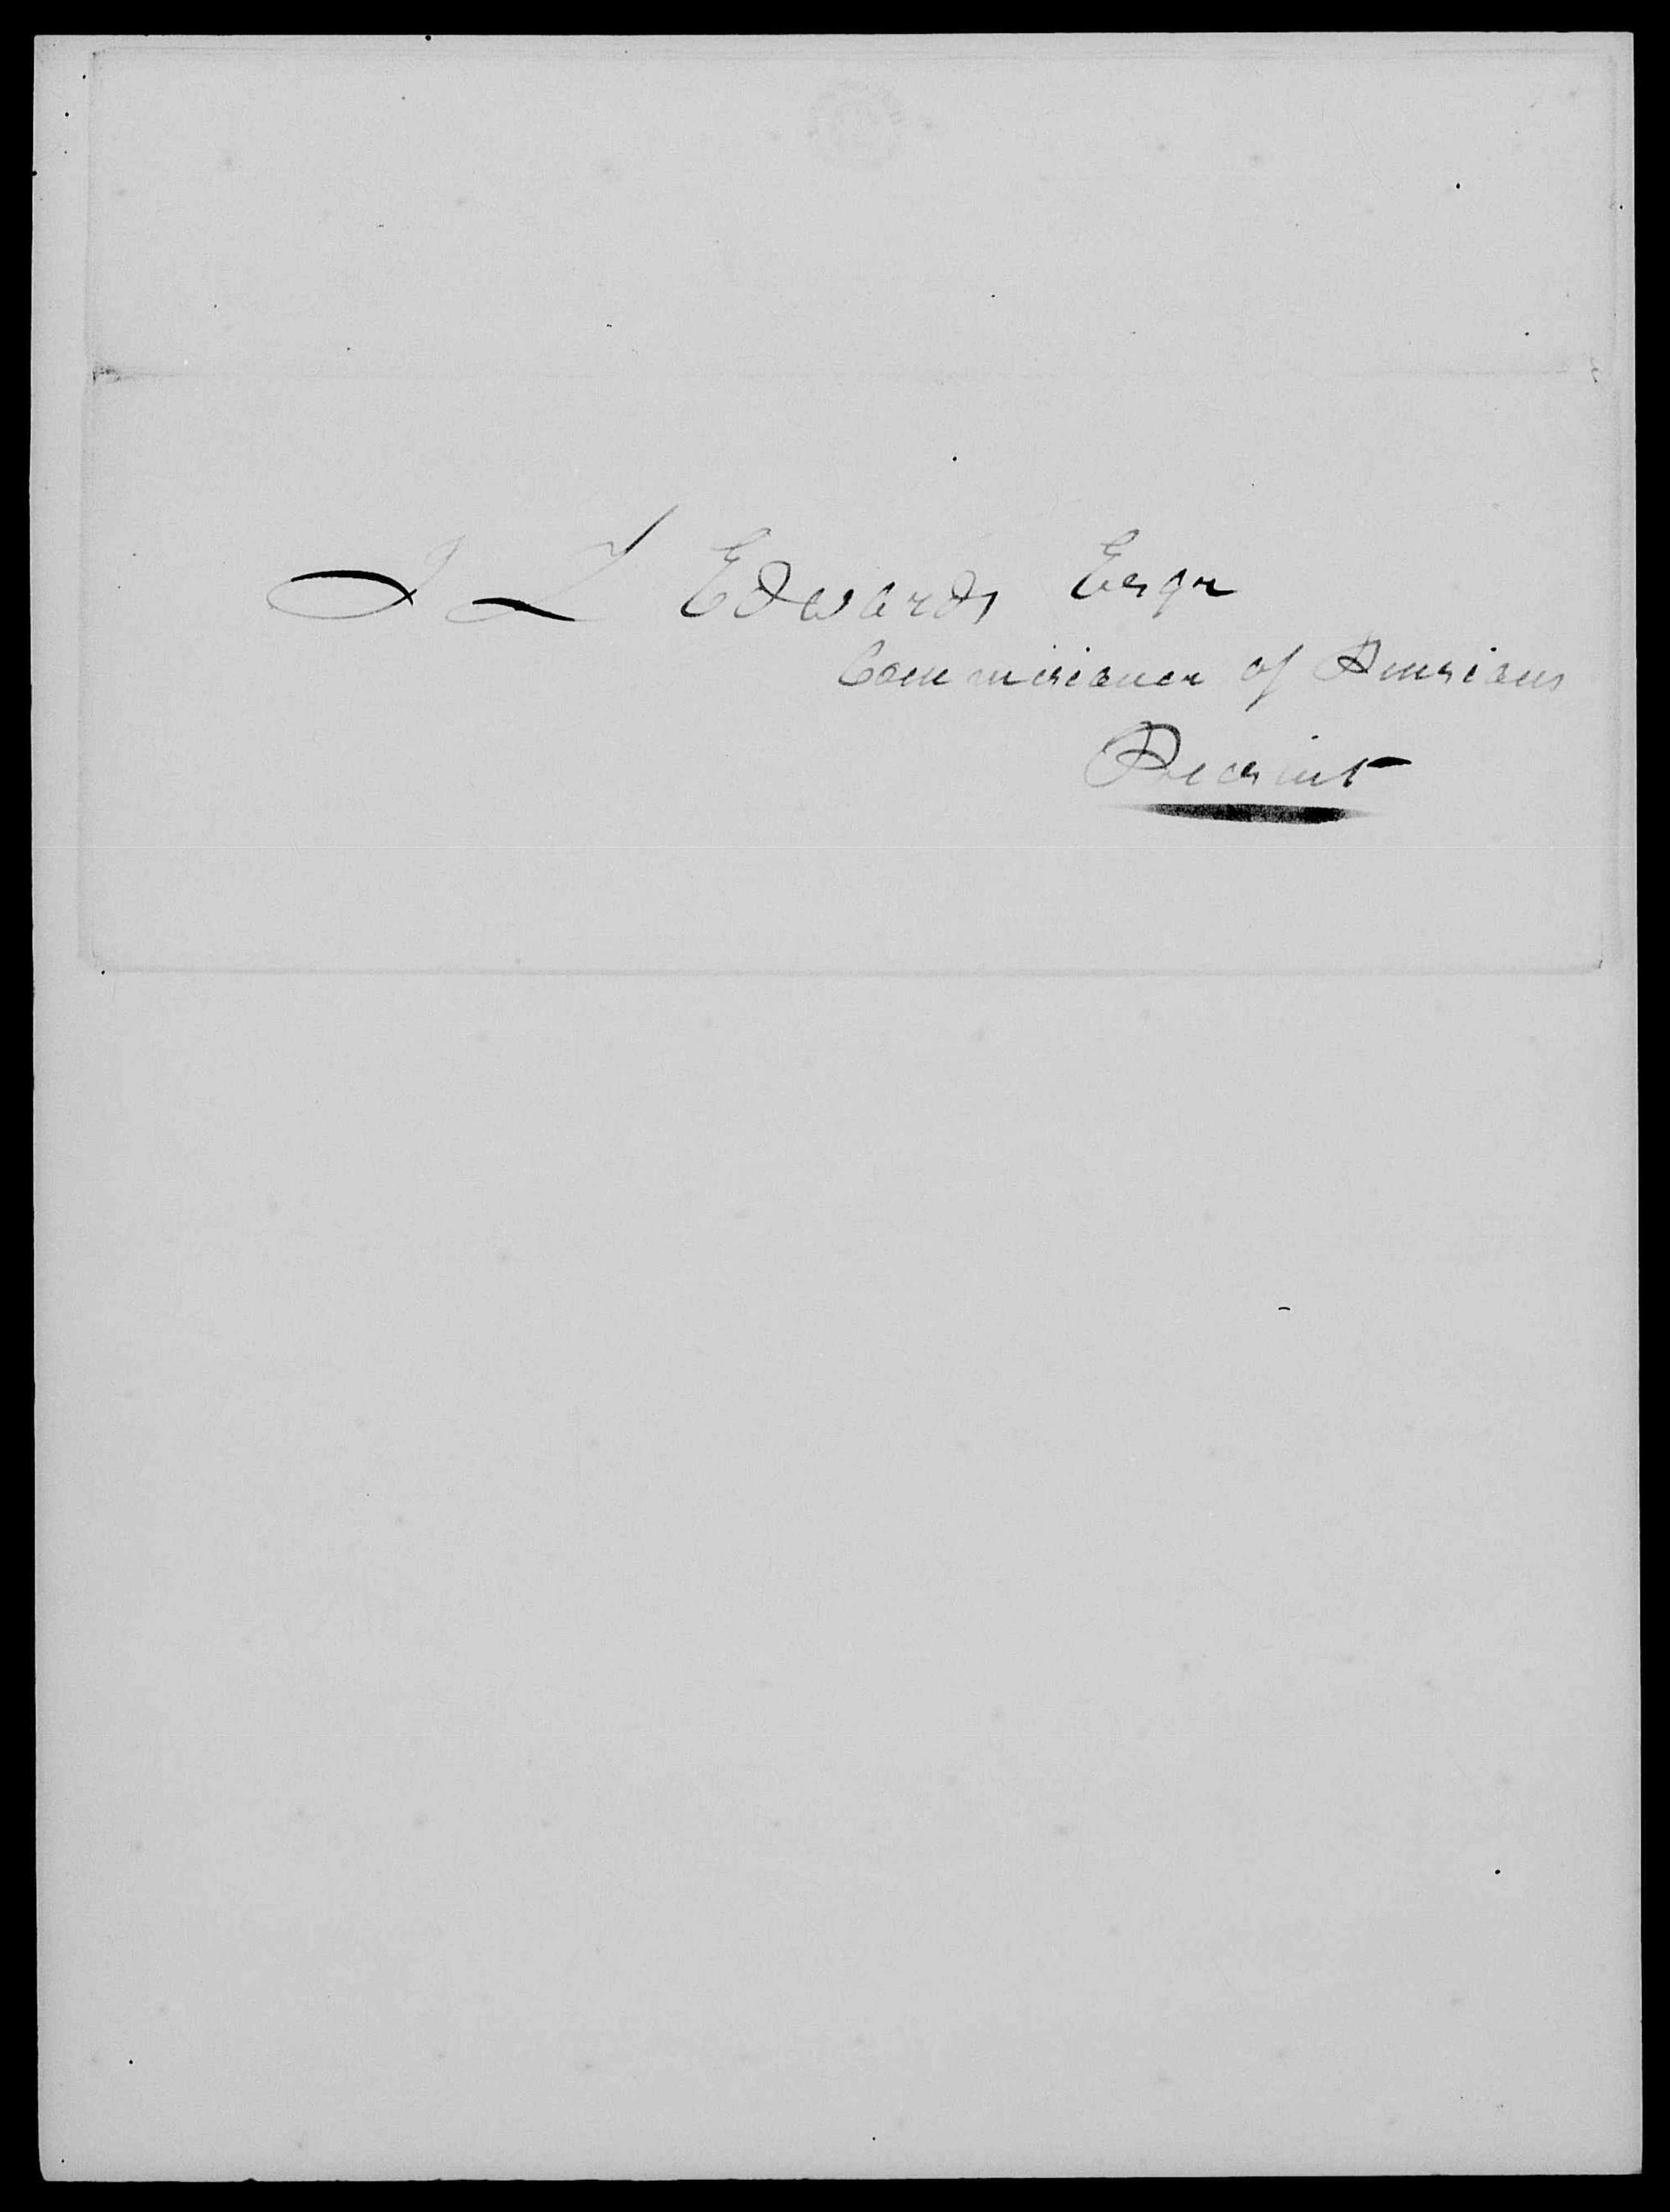J. L. Edwards Esq. 
Commissioner of Pensions
Precinct.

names: J L Edwards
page: 59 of 62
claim: survivor's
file: S. 540, James Heard, Continental - New Jersey Residence In 1818